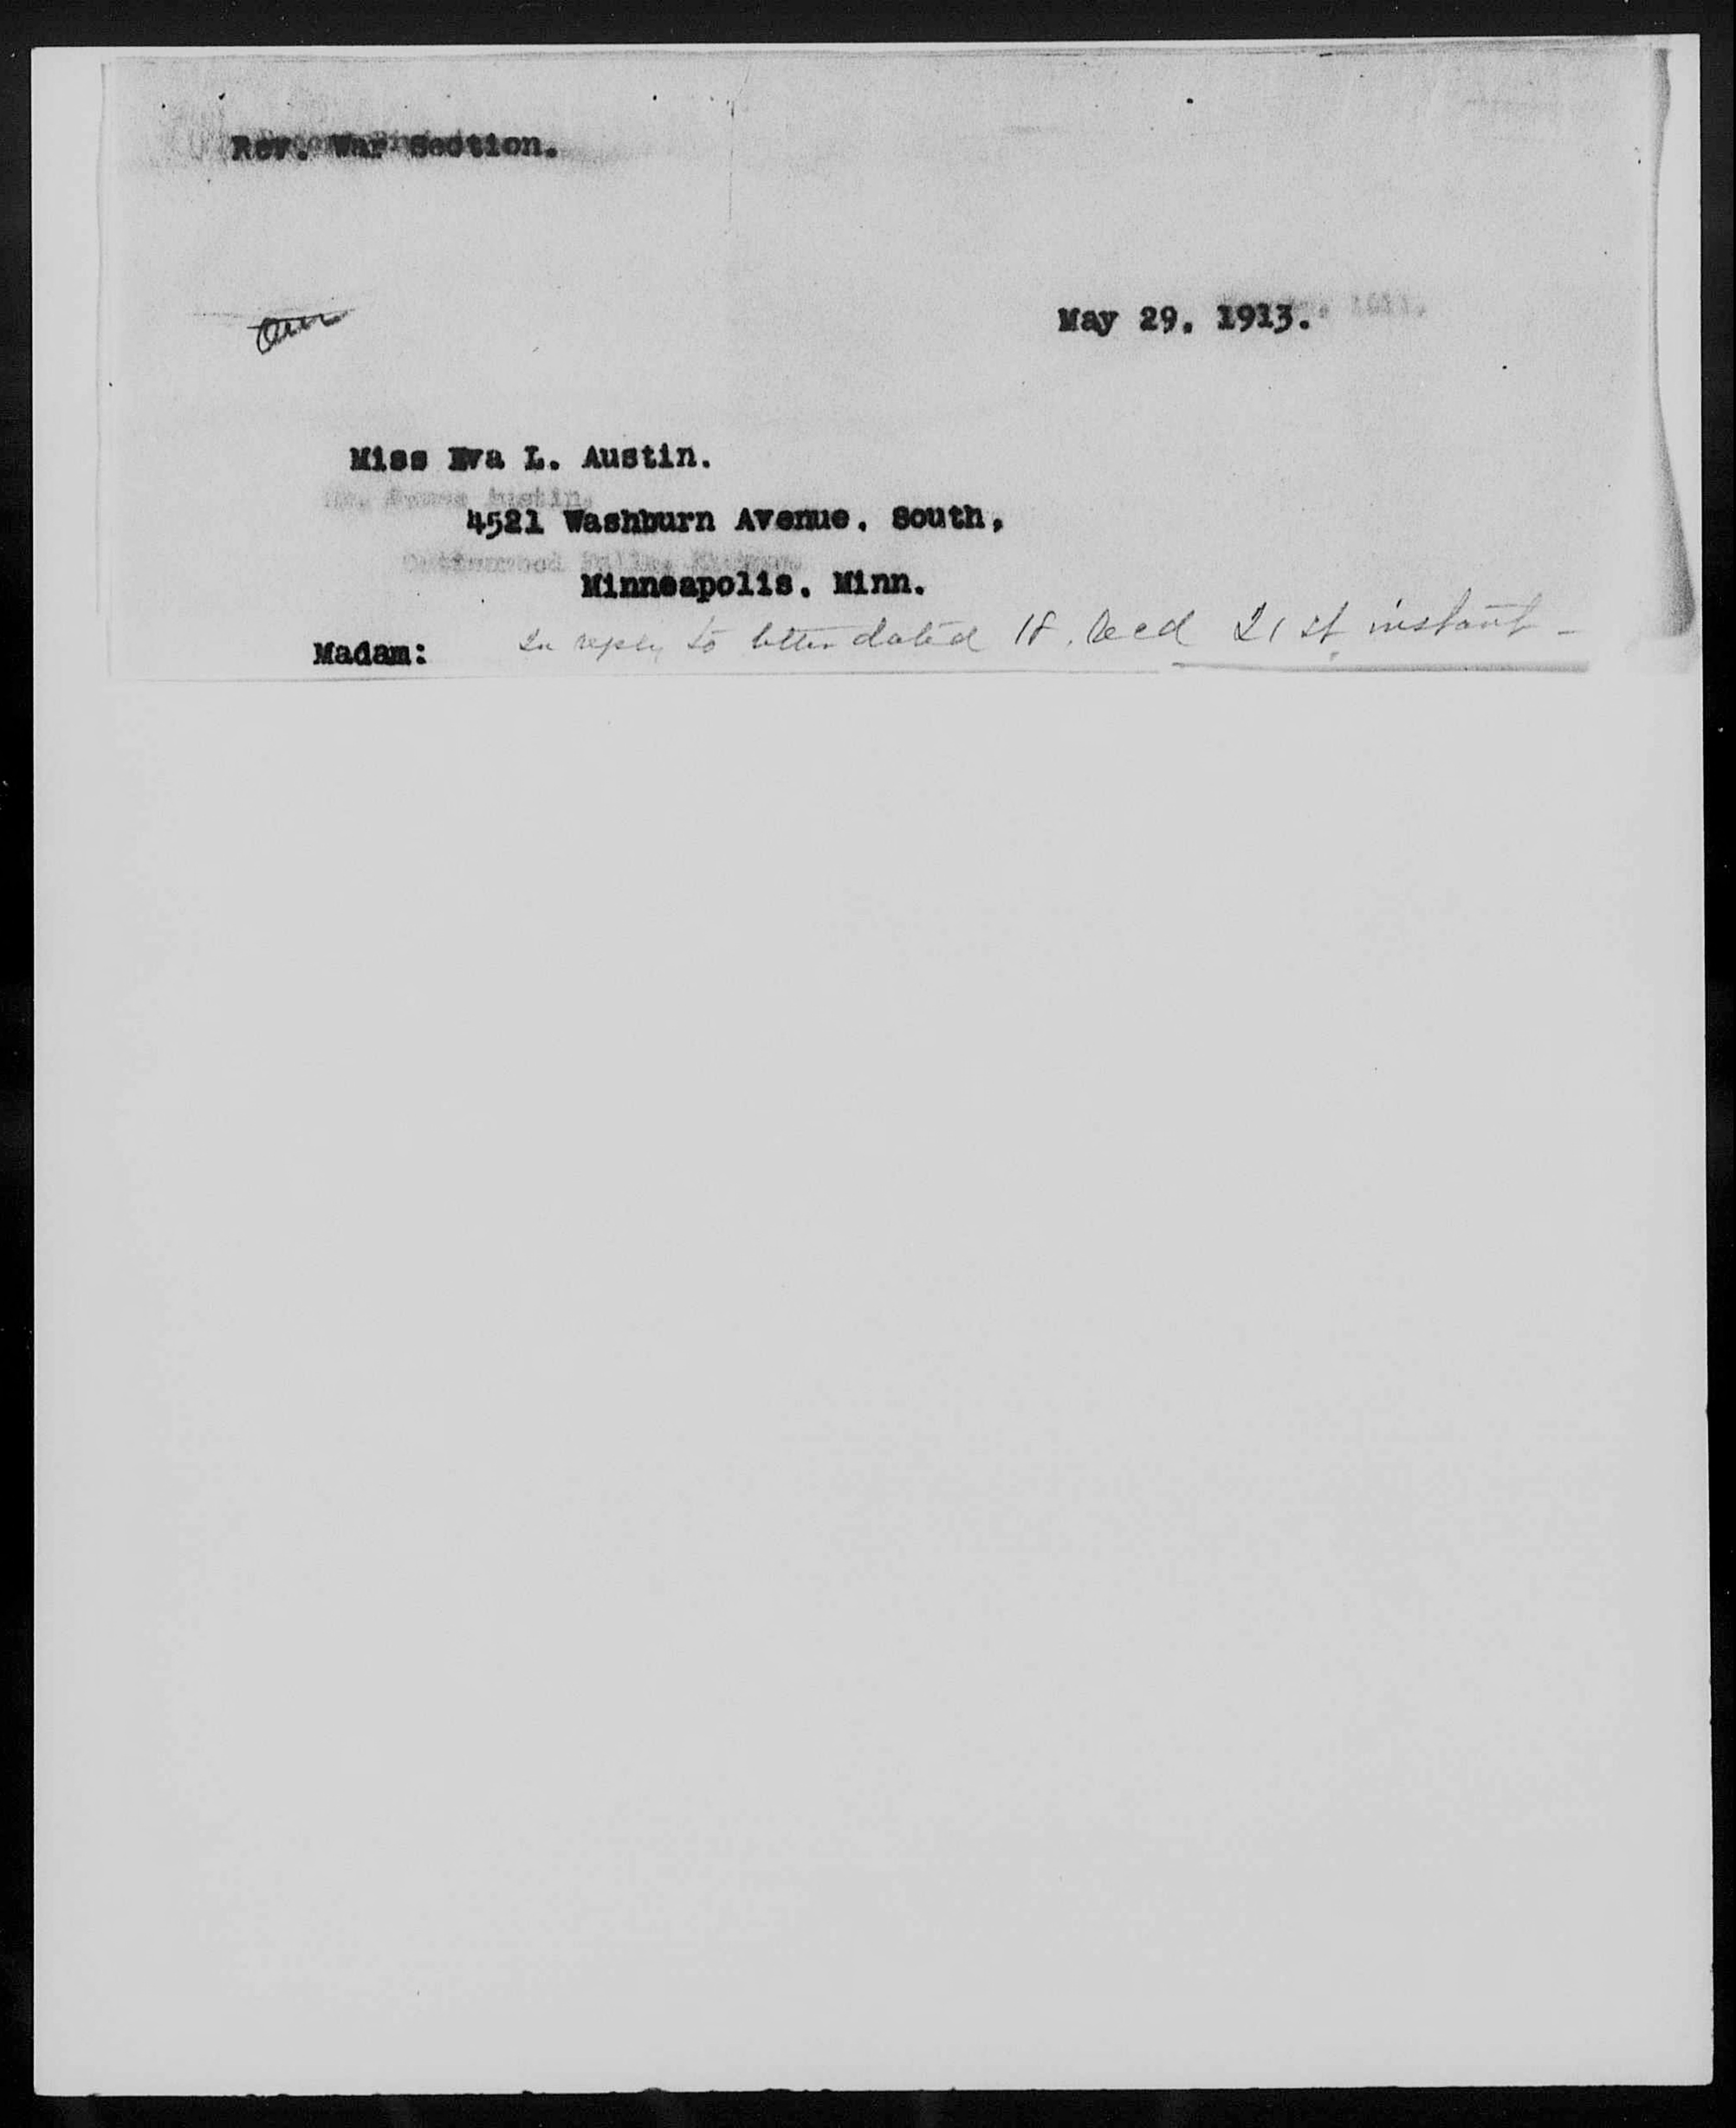Rev. War Section.
May 29, 1913.
Miss Eva L. Austin.
4521 Washburn Avenue, South,
Minneapolis, Minn.
Madam: In reply to letter dated 18, [illegible] 21st instant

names: Eva L Austin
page: 35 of 100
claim: survivor's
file: S 19186, James Austin, Conn. New York R.I.